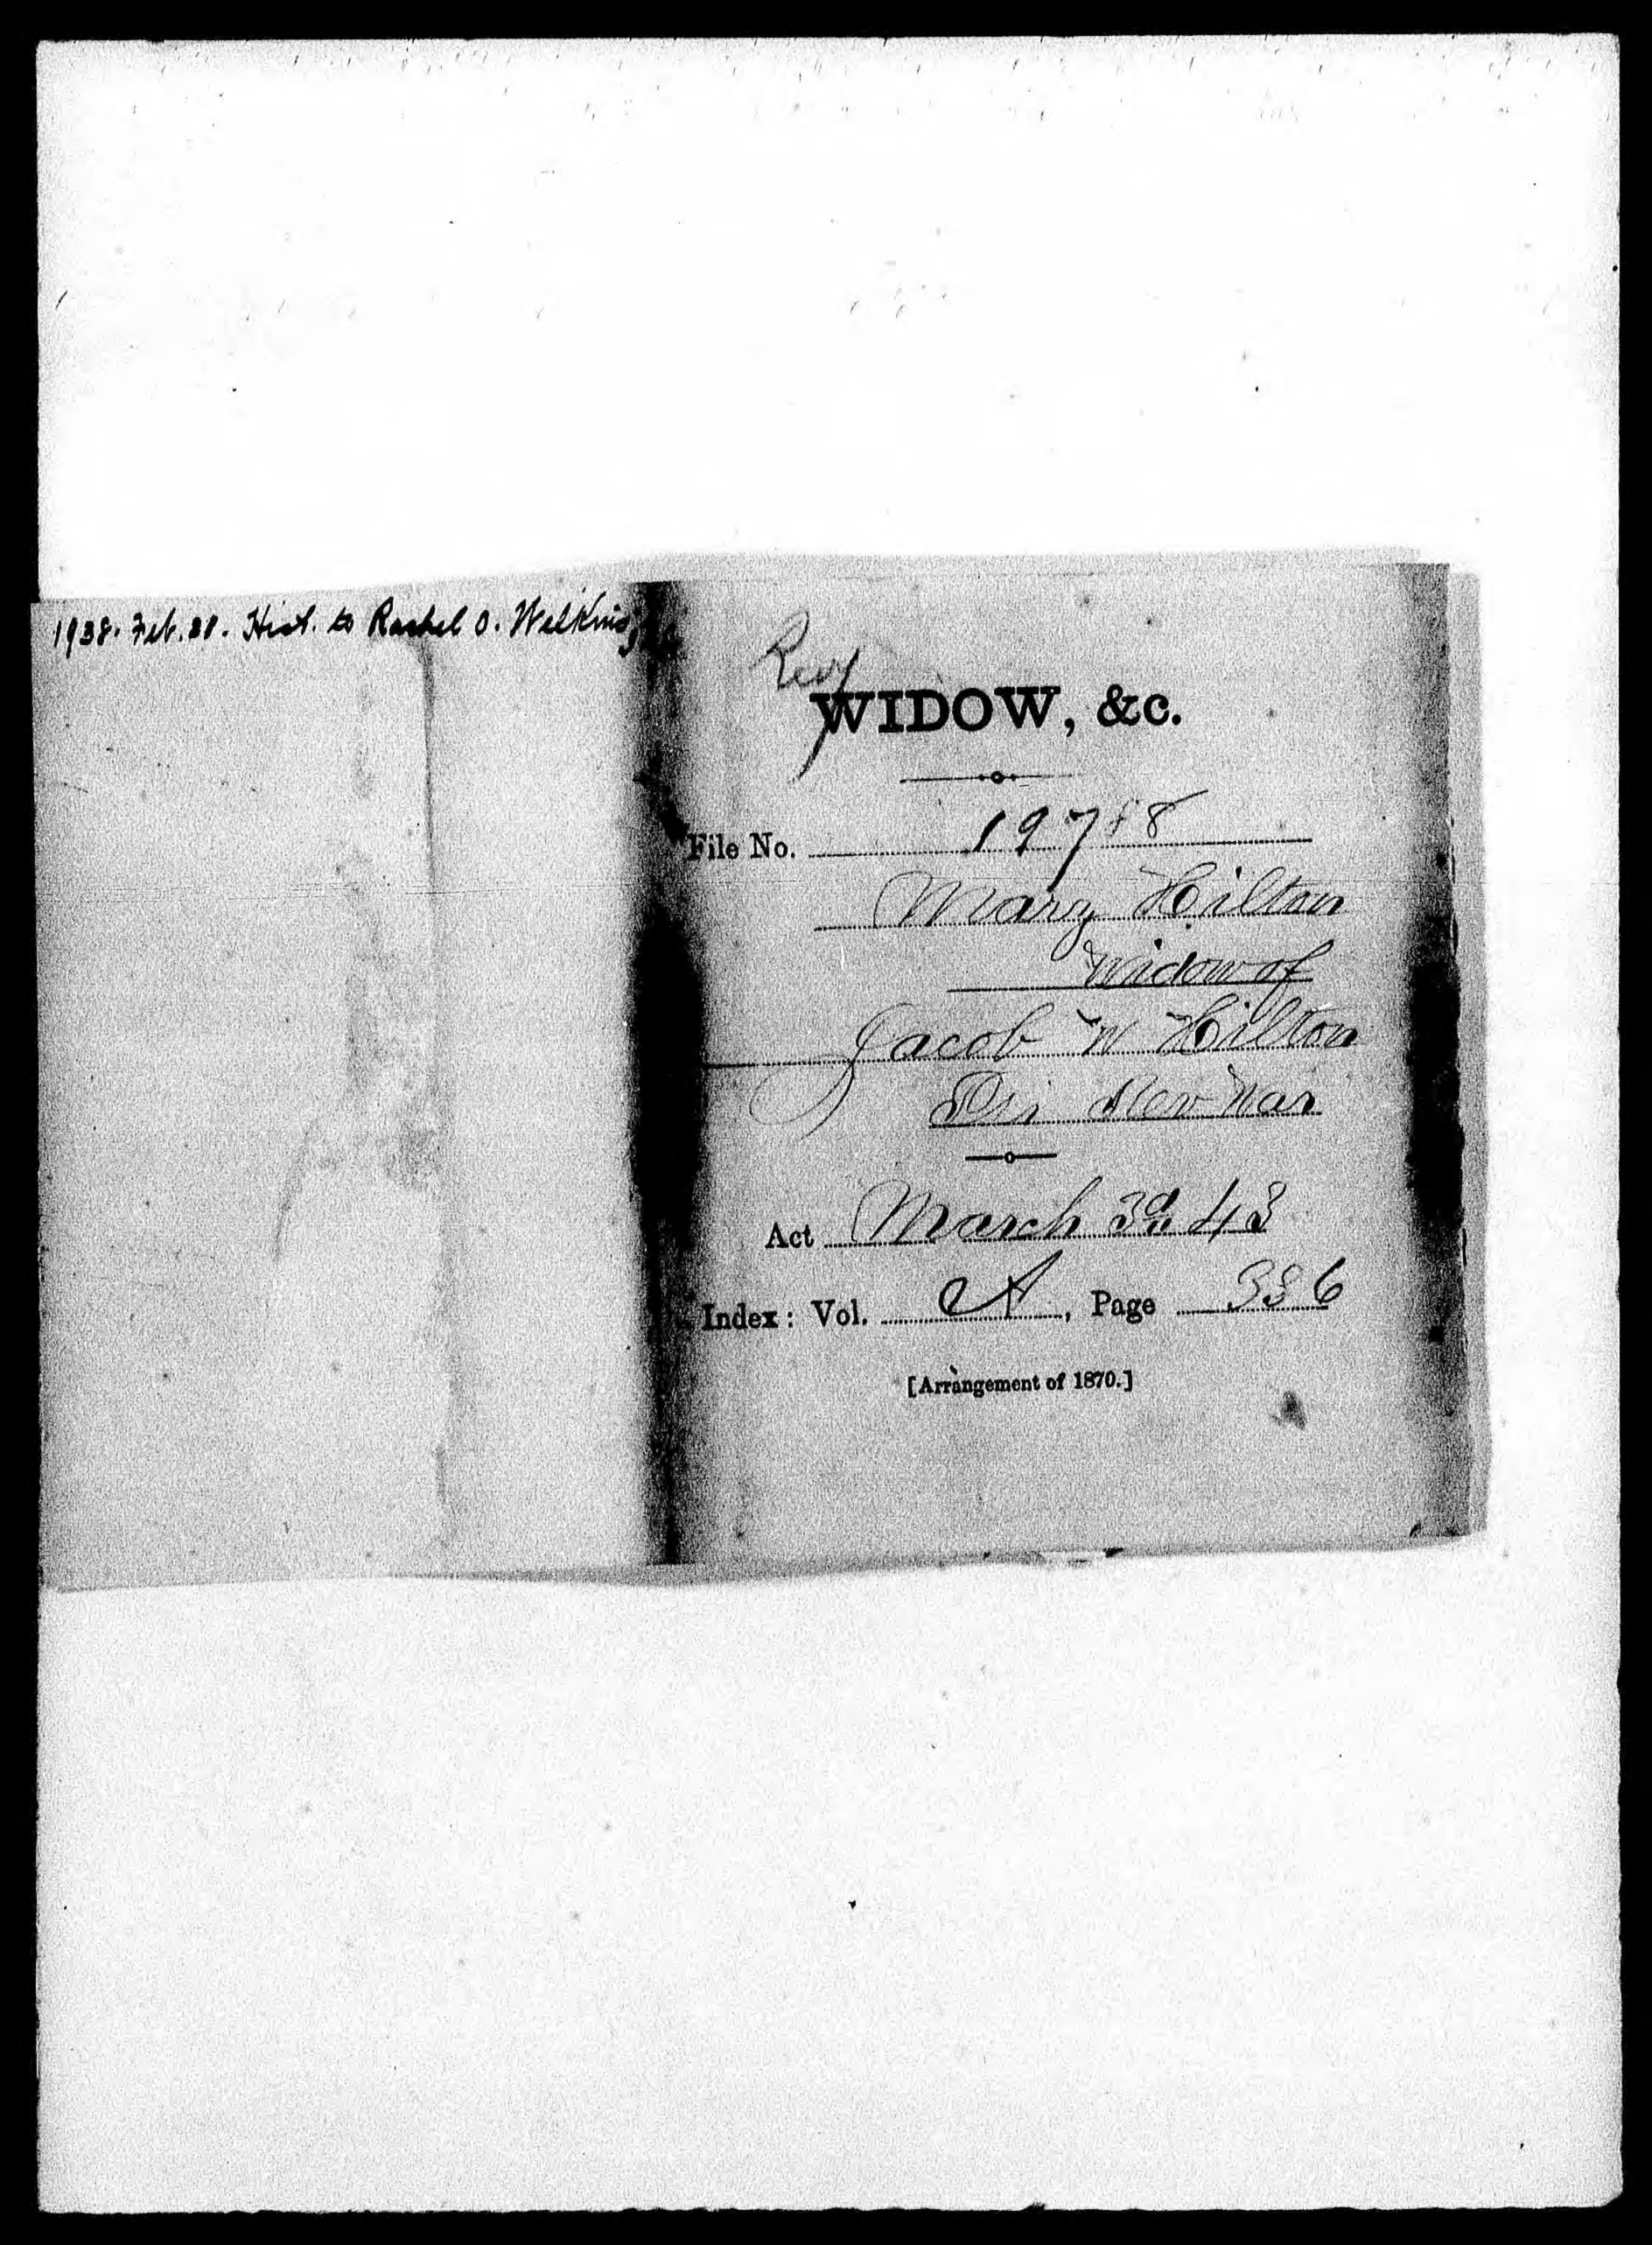[First page]
1938. Feb 11. Hist to Rachel O. Wilkins;

^WIDOW, &c.
File No. 197f8
Mary Hilton
Widow of 
Jacob W. Hilton
Pri Rev War

Act March 30 43
Index: Vol. A, Page 386
[Arrangement of 1870.]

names: Jacob W Hilton, Mary Hilton, Rachel O Wilkins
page: 31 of 48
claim: widow's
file: W. 19788, Jacob W Hilton, New York